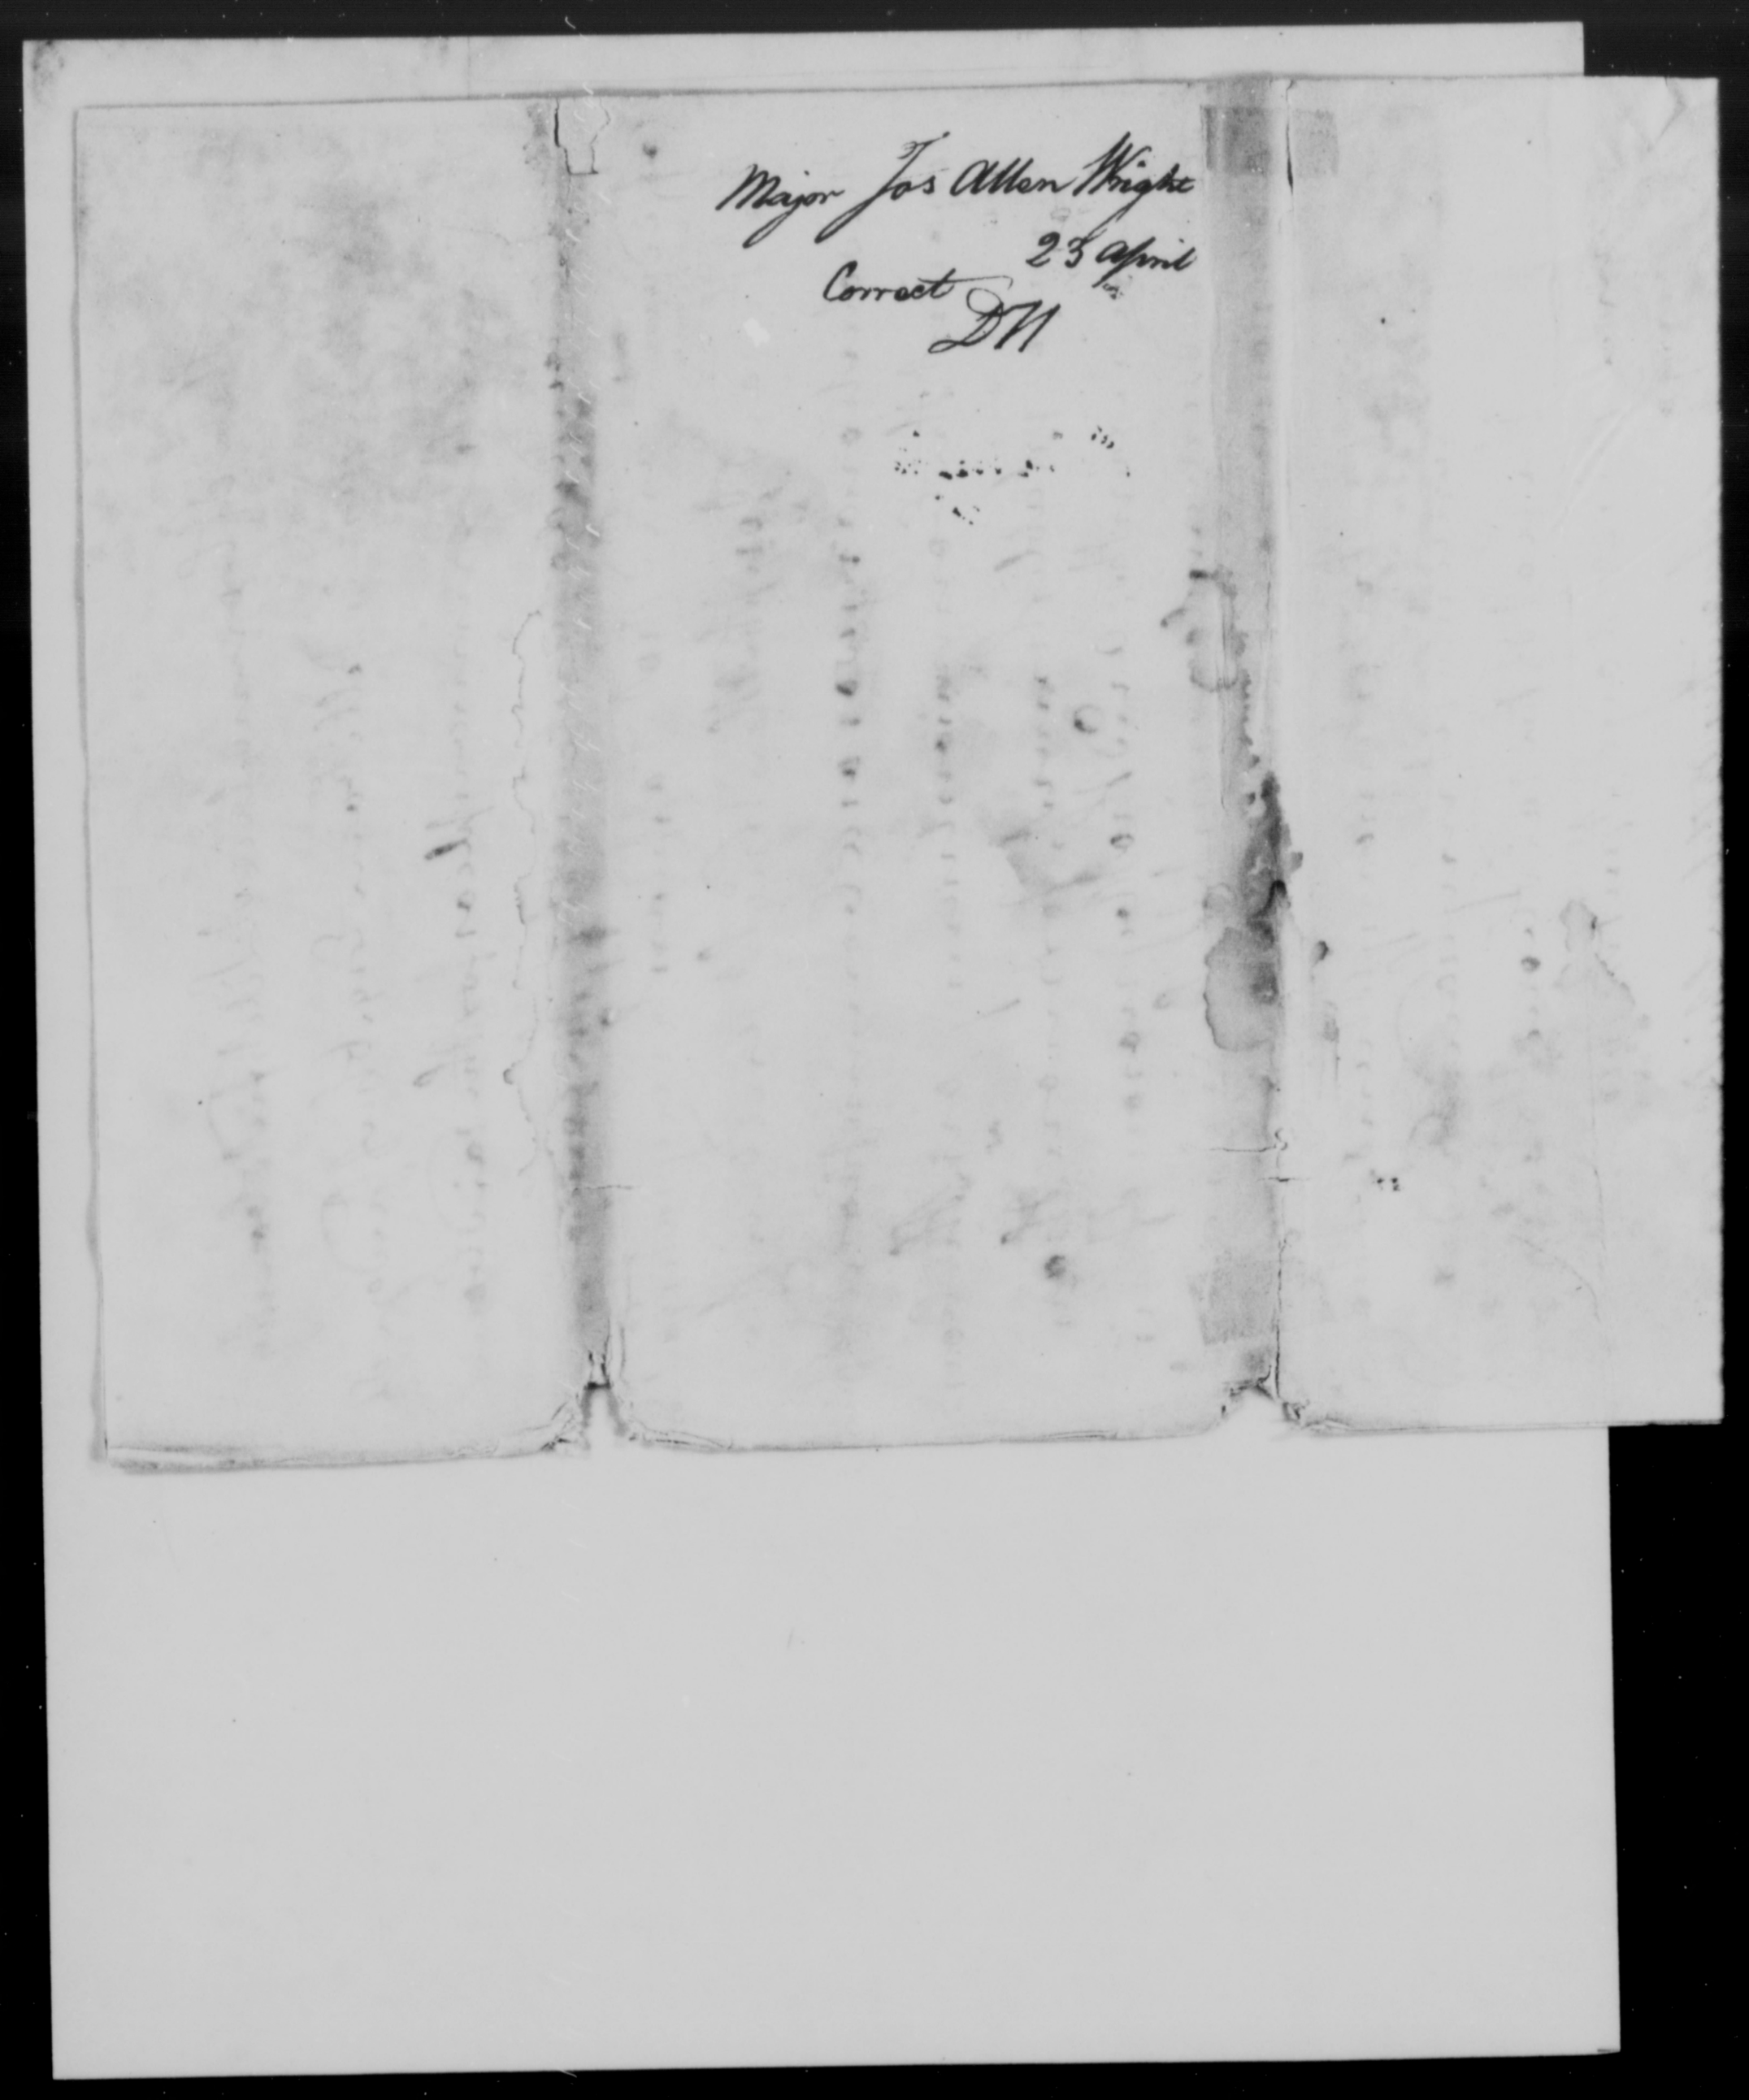Major Jos Allen Wright
23 April
Correct
DN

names: Jos Allen Wright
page: 3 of 13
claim: survivor's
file: S. 36855, Joseph Allyn Wright, Conn. Continental